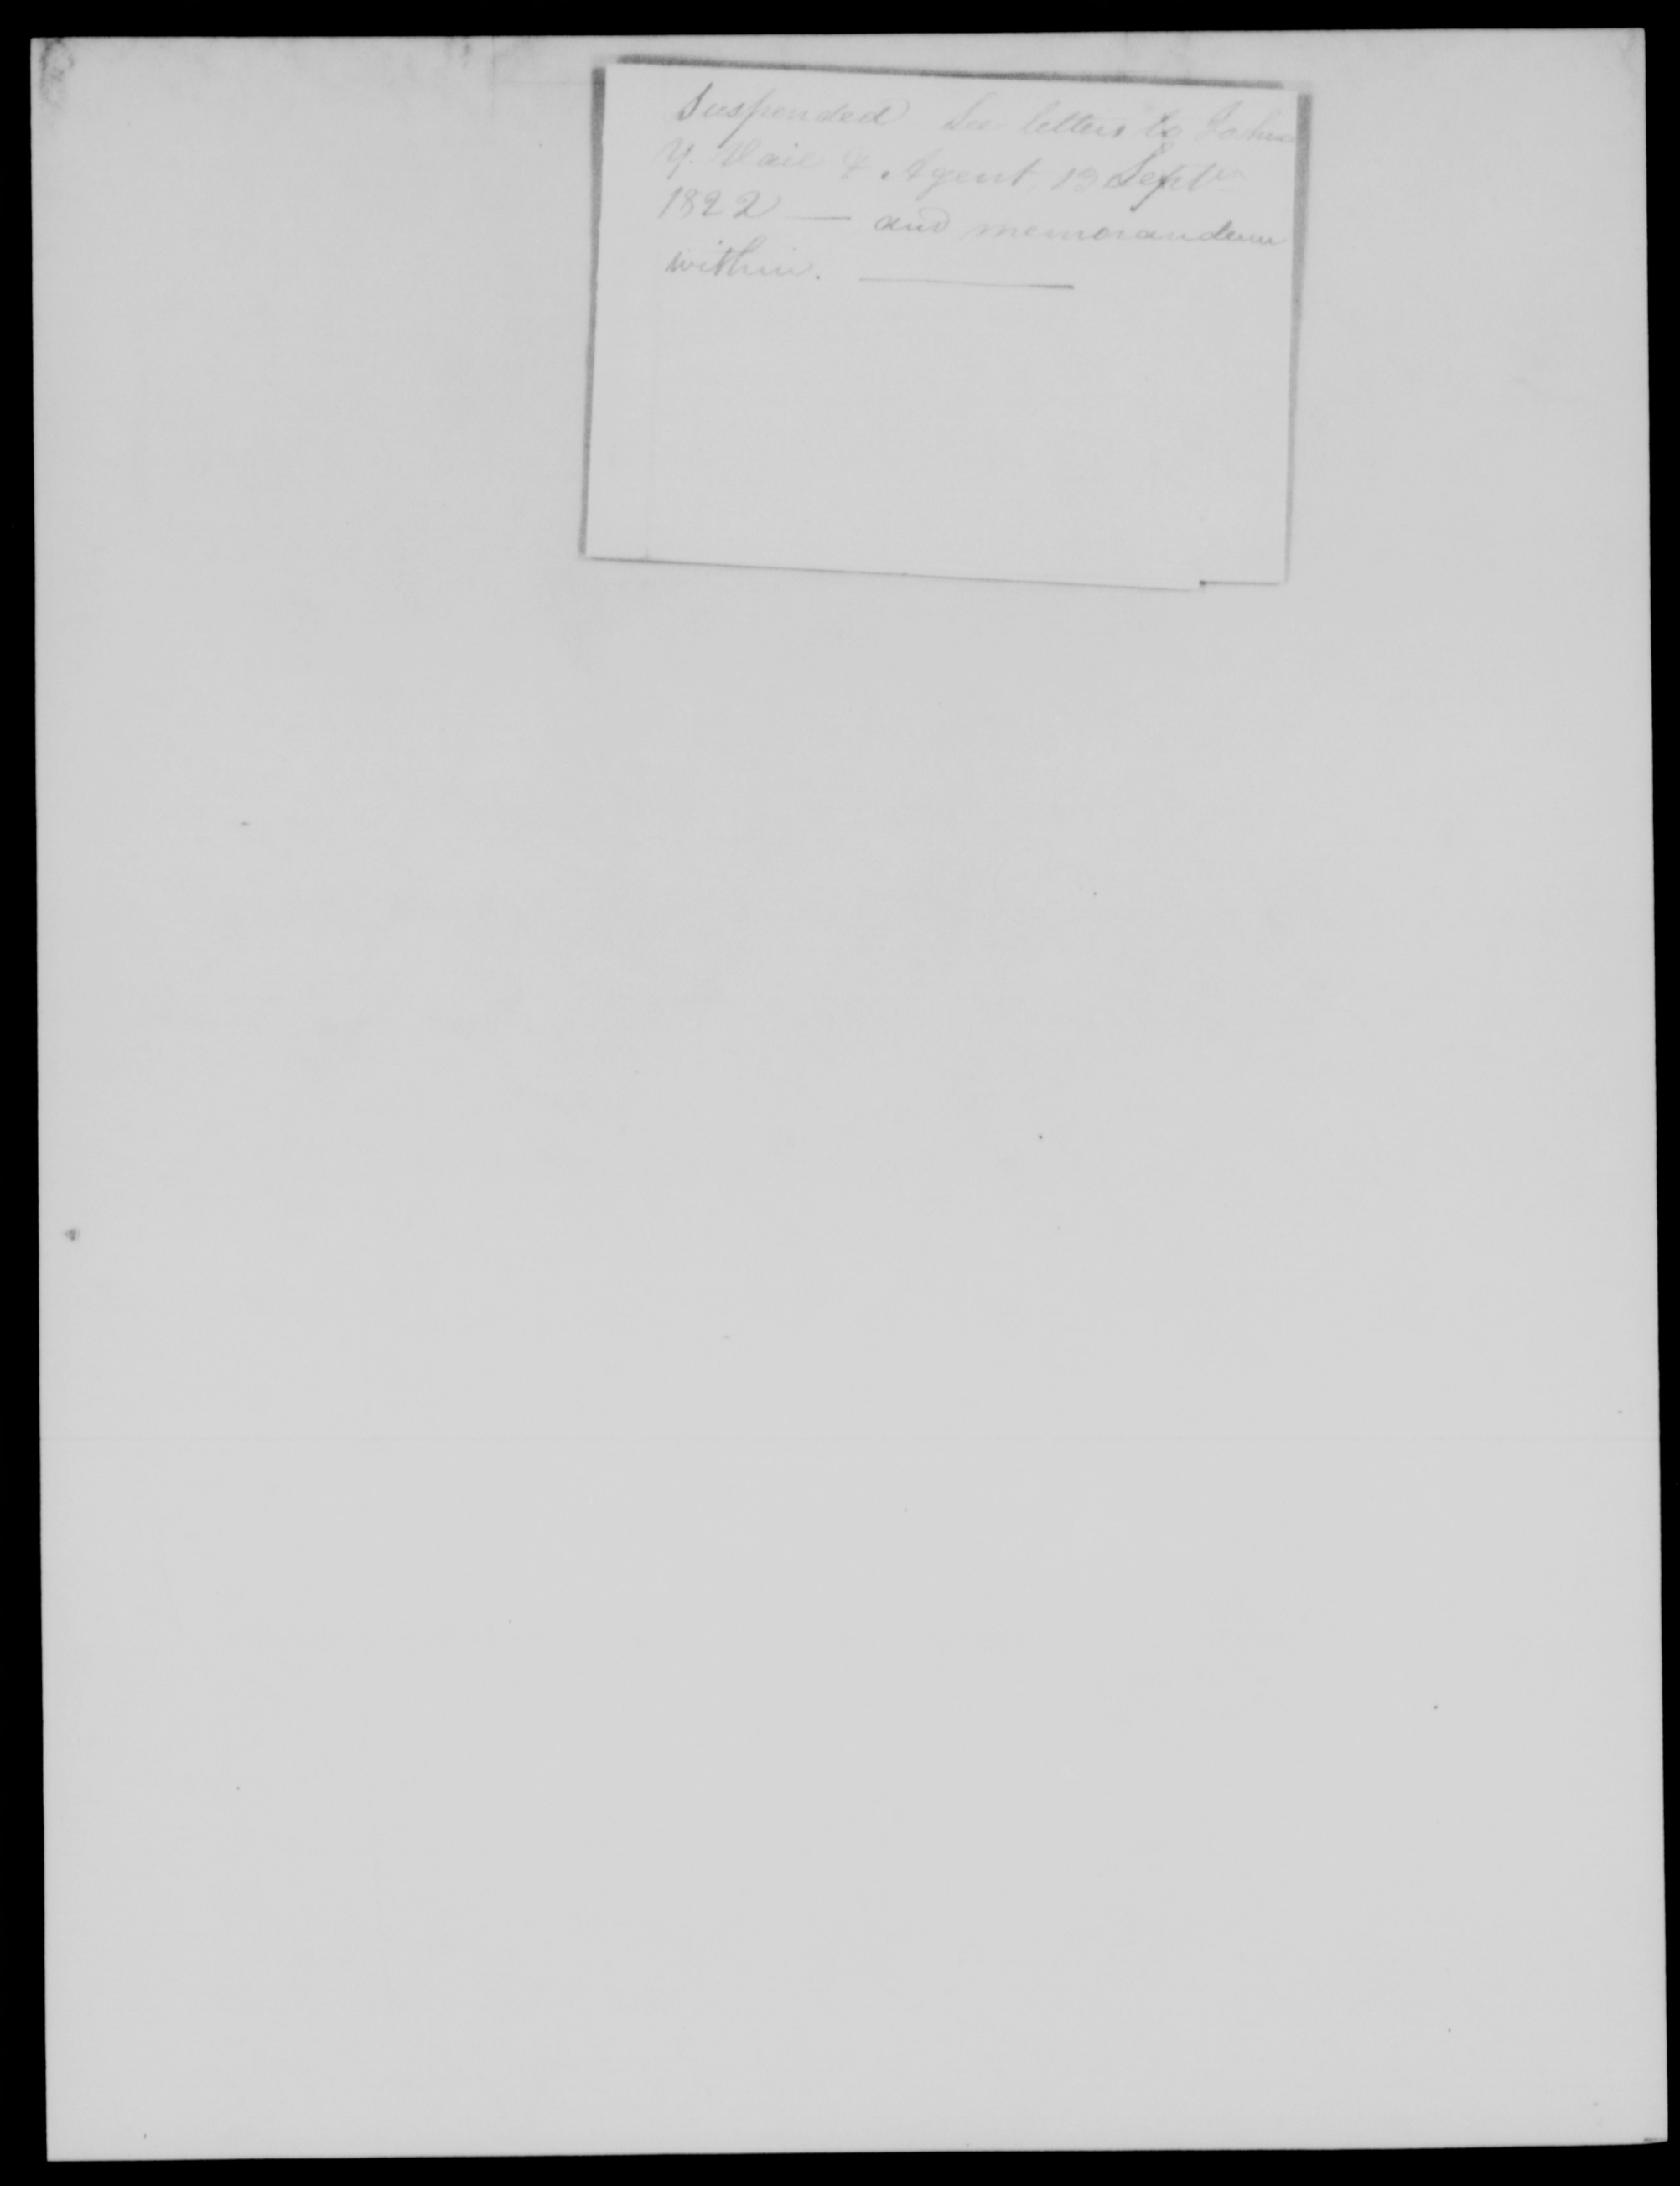Suspended See letters to Joshua Y. Vail & Agent
13 Sept 1822-and  memorandum within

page: 23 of 79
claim: survivor's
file: S. 11759, Samuel White, Mass.